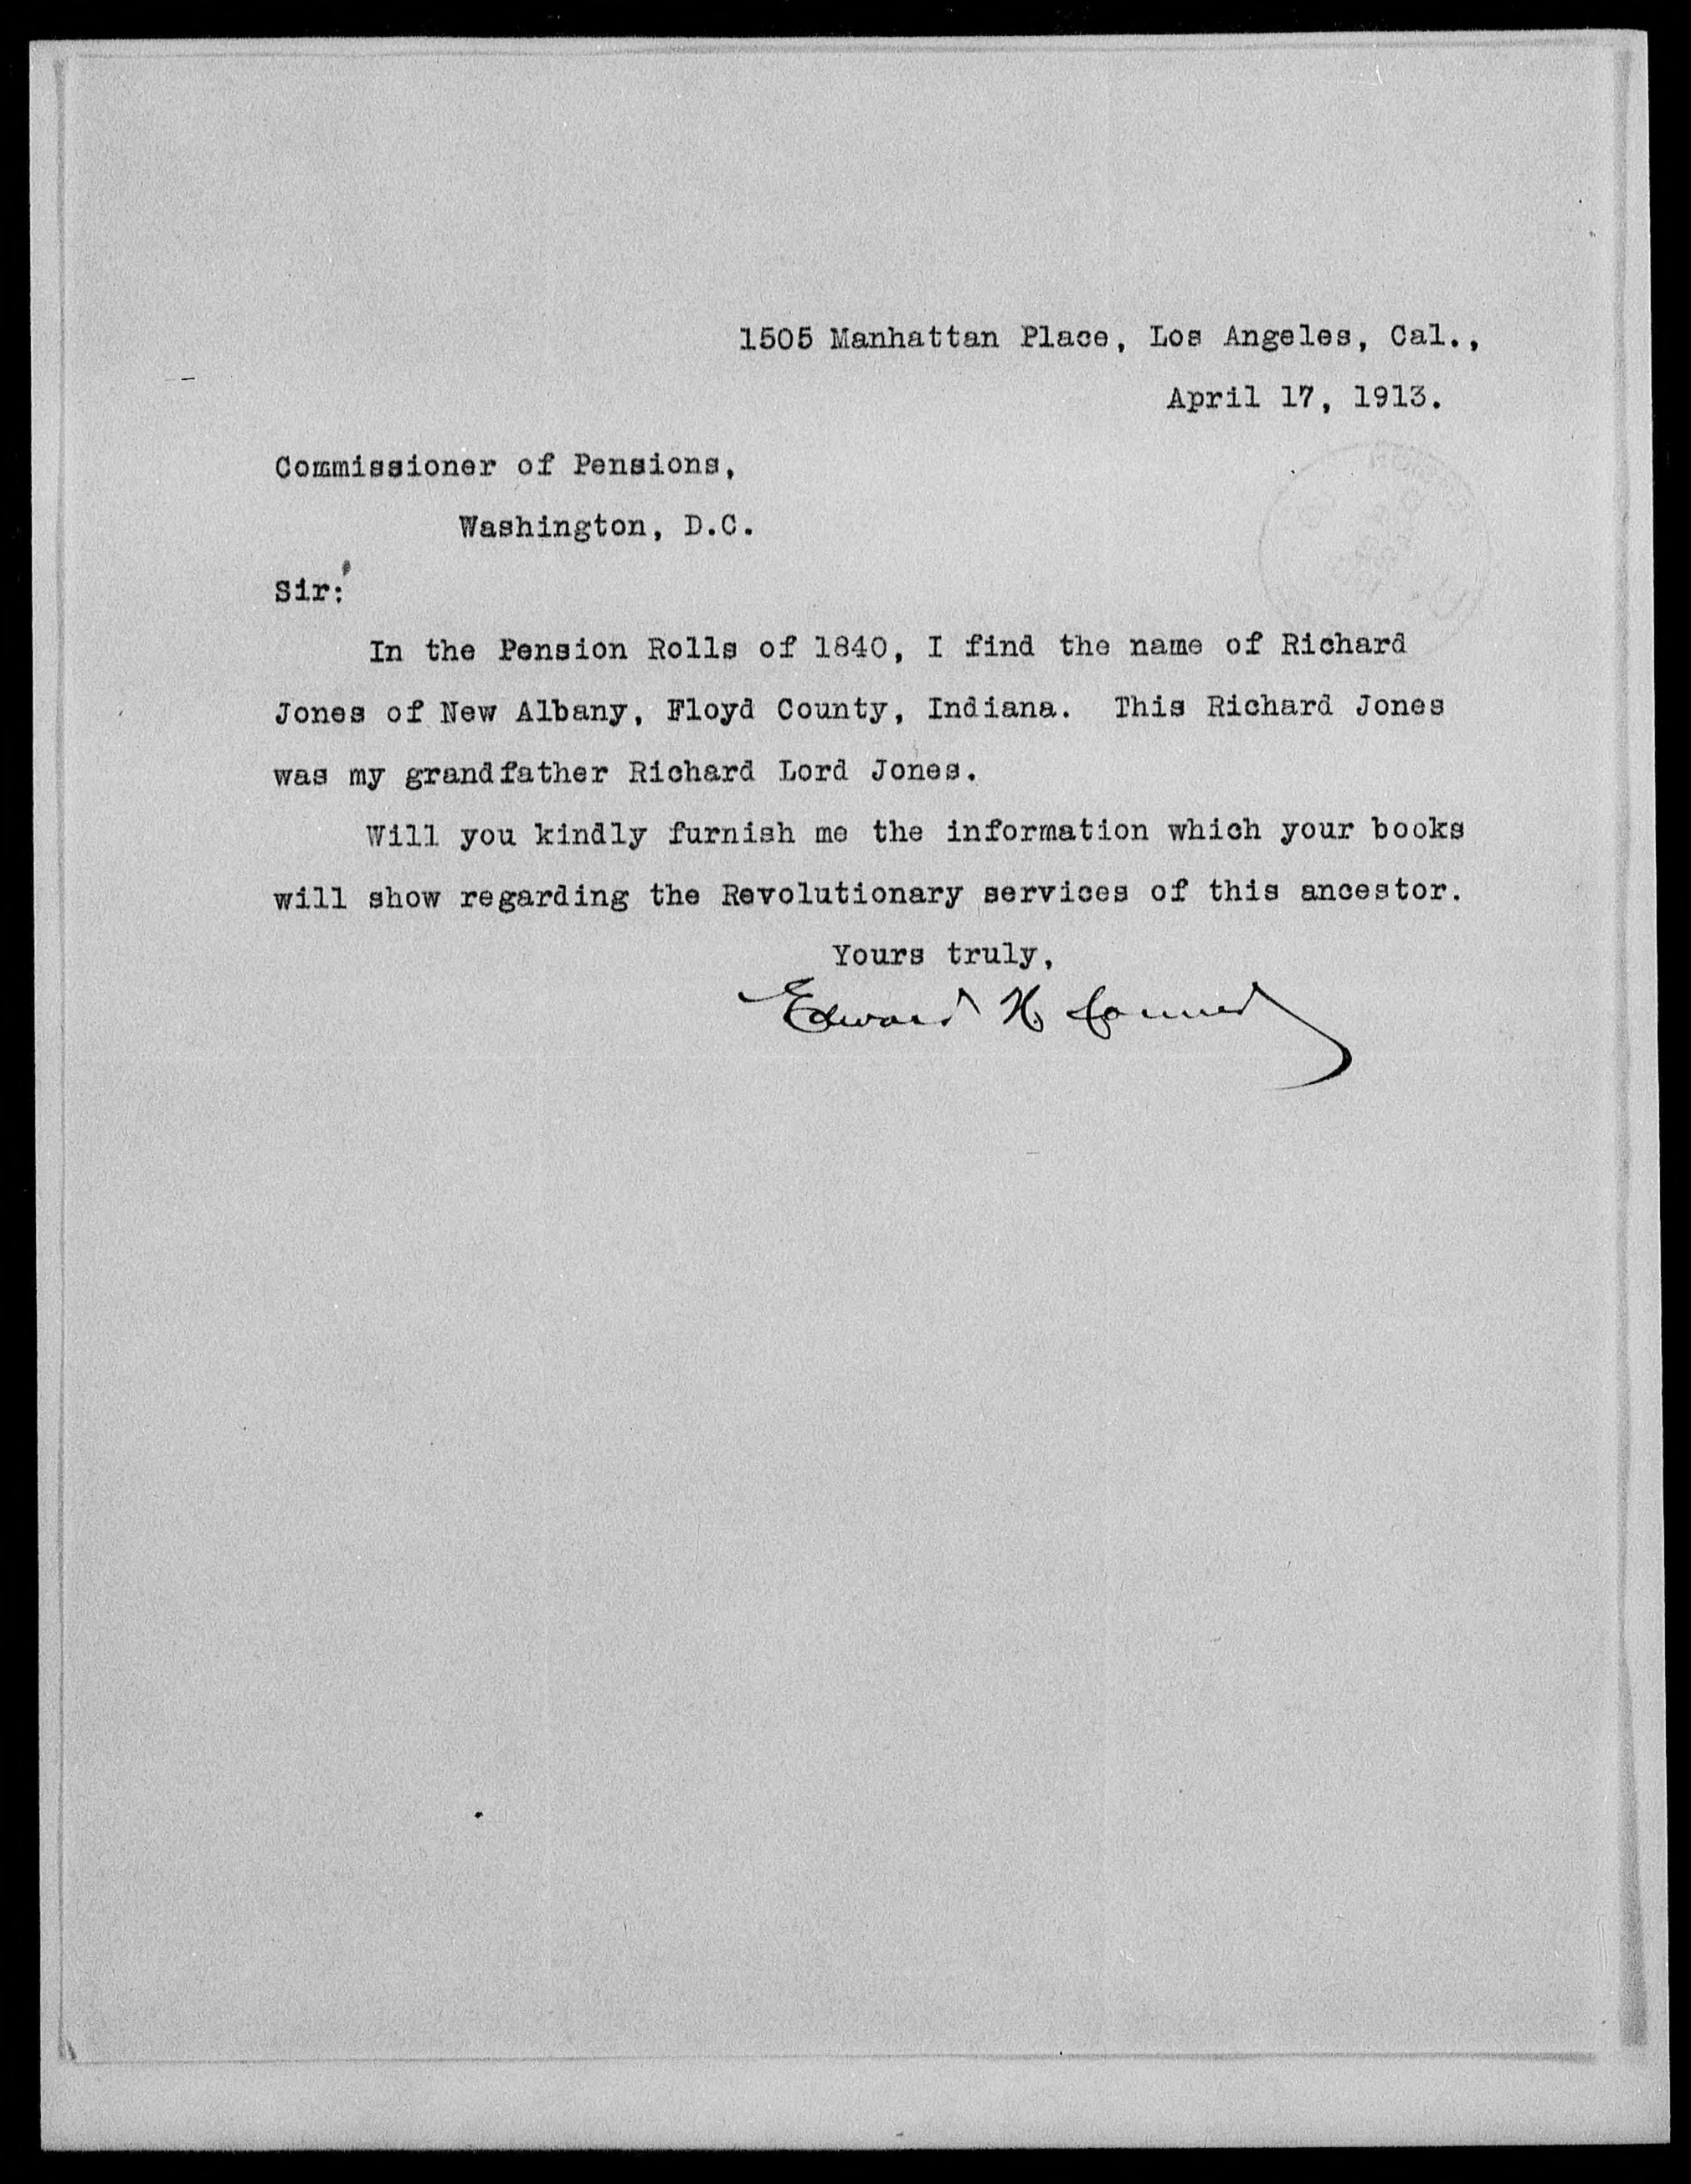1505 Manhattan Place,
Los Angeles, Cal.,
April 17, 1913.
Commissioner of Pensions,
Washington D.C.
Sir:

In the Pension Rolls of 1840, I find the name of Richard Jones of New Albany, Floyd County, Indiana. This Richard Jones was my grandfather Richard Lord Jones, Will you kindly furnish me the information which your books will show regarding the Revolutionary services of this ancestor.
Yours truly,
Edward H. Forney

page: 21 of 62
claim: widow's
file: W. 765, for Richard L Jones, Connecticut